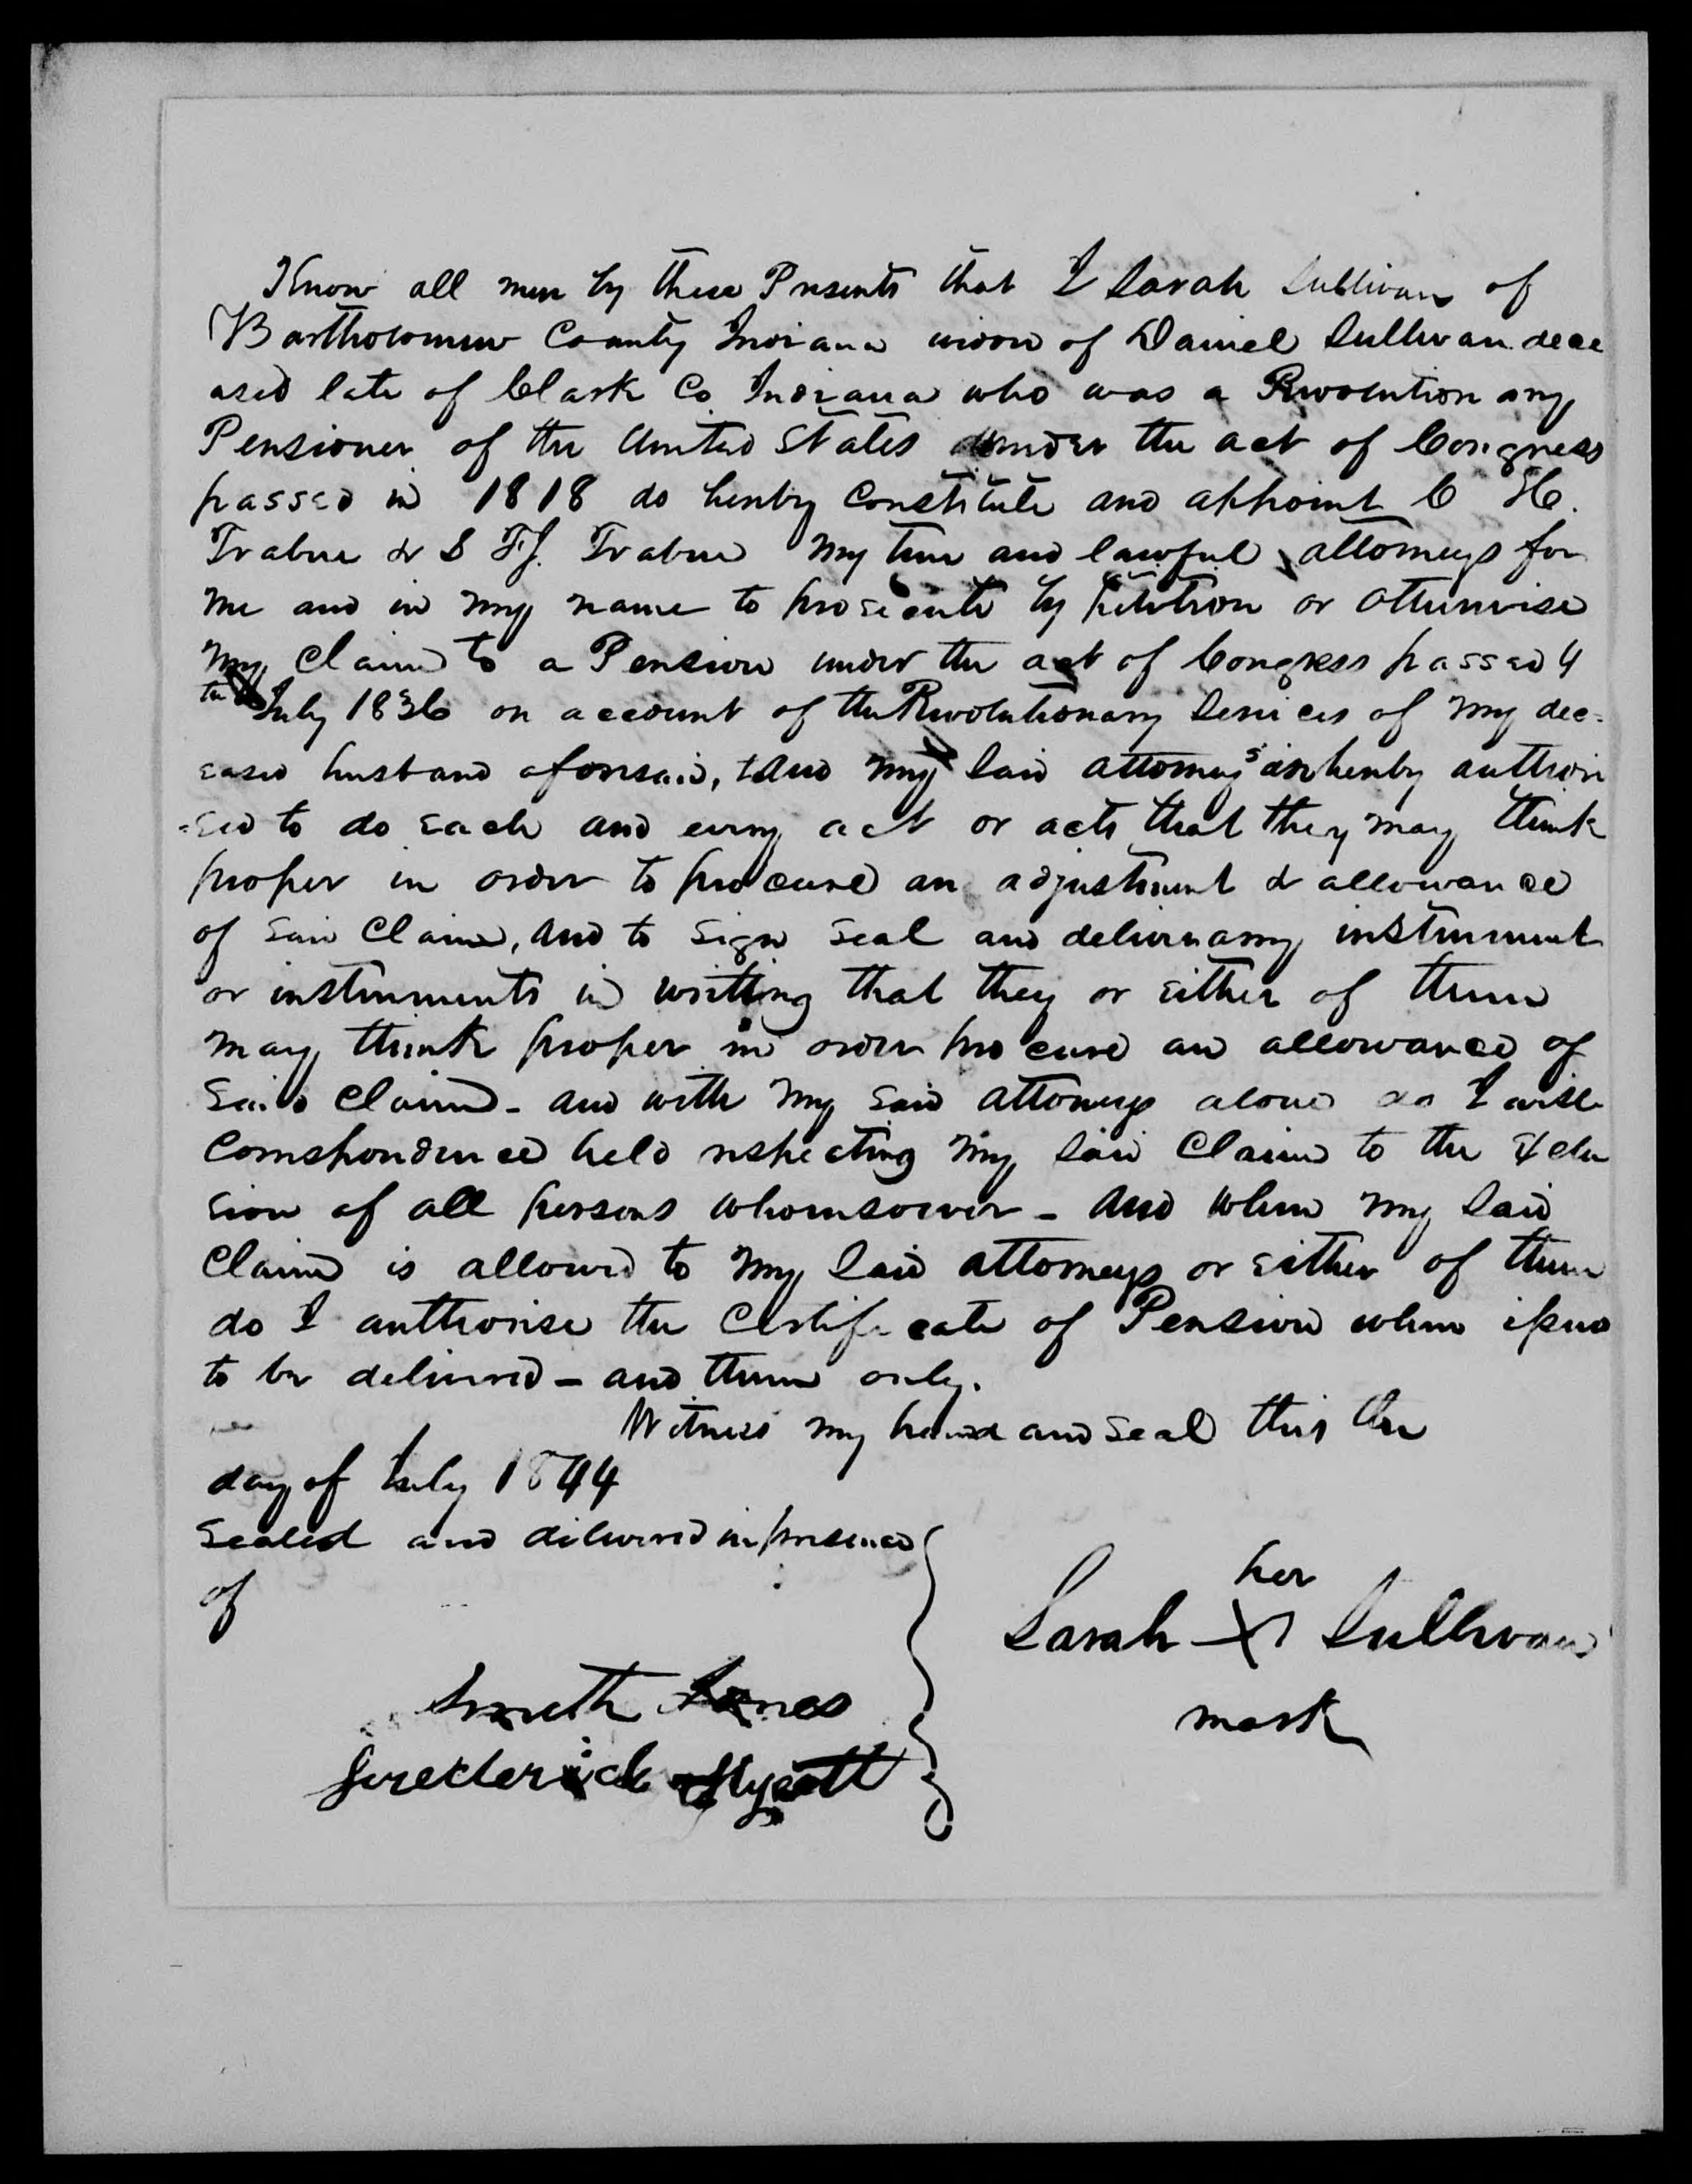Know all men by these presents that I Sarah Sullivan of Bartholomew County Indiana widow of Daniel Sullivan deceased late of Clark Co Indiana who was a Revolutionary Pensioner of the United States under the act of Congress passed in 1818 do hereby constitute and appoint C H Trabue & S F J Trabue my true and lawful attorneys for me and in my name to prosecute by petition or otherwise my claim to a pension under the act of Congress passed July 4 1836 on account of thR revolutionary services of my deceased husband aforesaid, that my said attorneys are hereby authorized to do each and every act or acts that they may think proper in order to procure an adjustment & allowance of said Claim and to sign, seal and deliver any instrument or instruments in writing that they or either of them may think proper in order procure an allowance of said Claim. And with my said attorneys alone do all Correspondence held respecting my said Claim to the exclusion of all persons whomsoever. And when my said Claim is allowed to my said attorneys or either of them do I authorize the Certificate ofPpension when issued to be delivered and them only.
[right] her
[right] Sarah   X   Sullivan [X being her mark in lieu of signature]
[right] mark

Witness my hand and seal this third day of July 1844.
Sealed and delivered in presence of
[signed] Smith Jones
[signed] Frederick Hyatt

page: 70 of 78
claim: widow's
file: W. 25,169, for Daniel Sullivan, Maryland